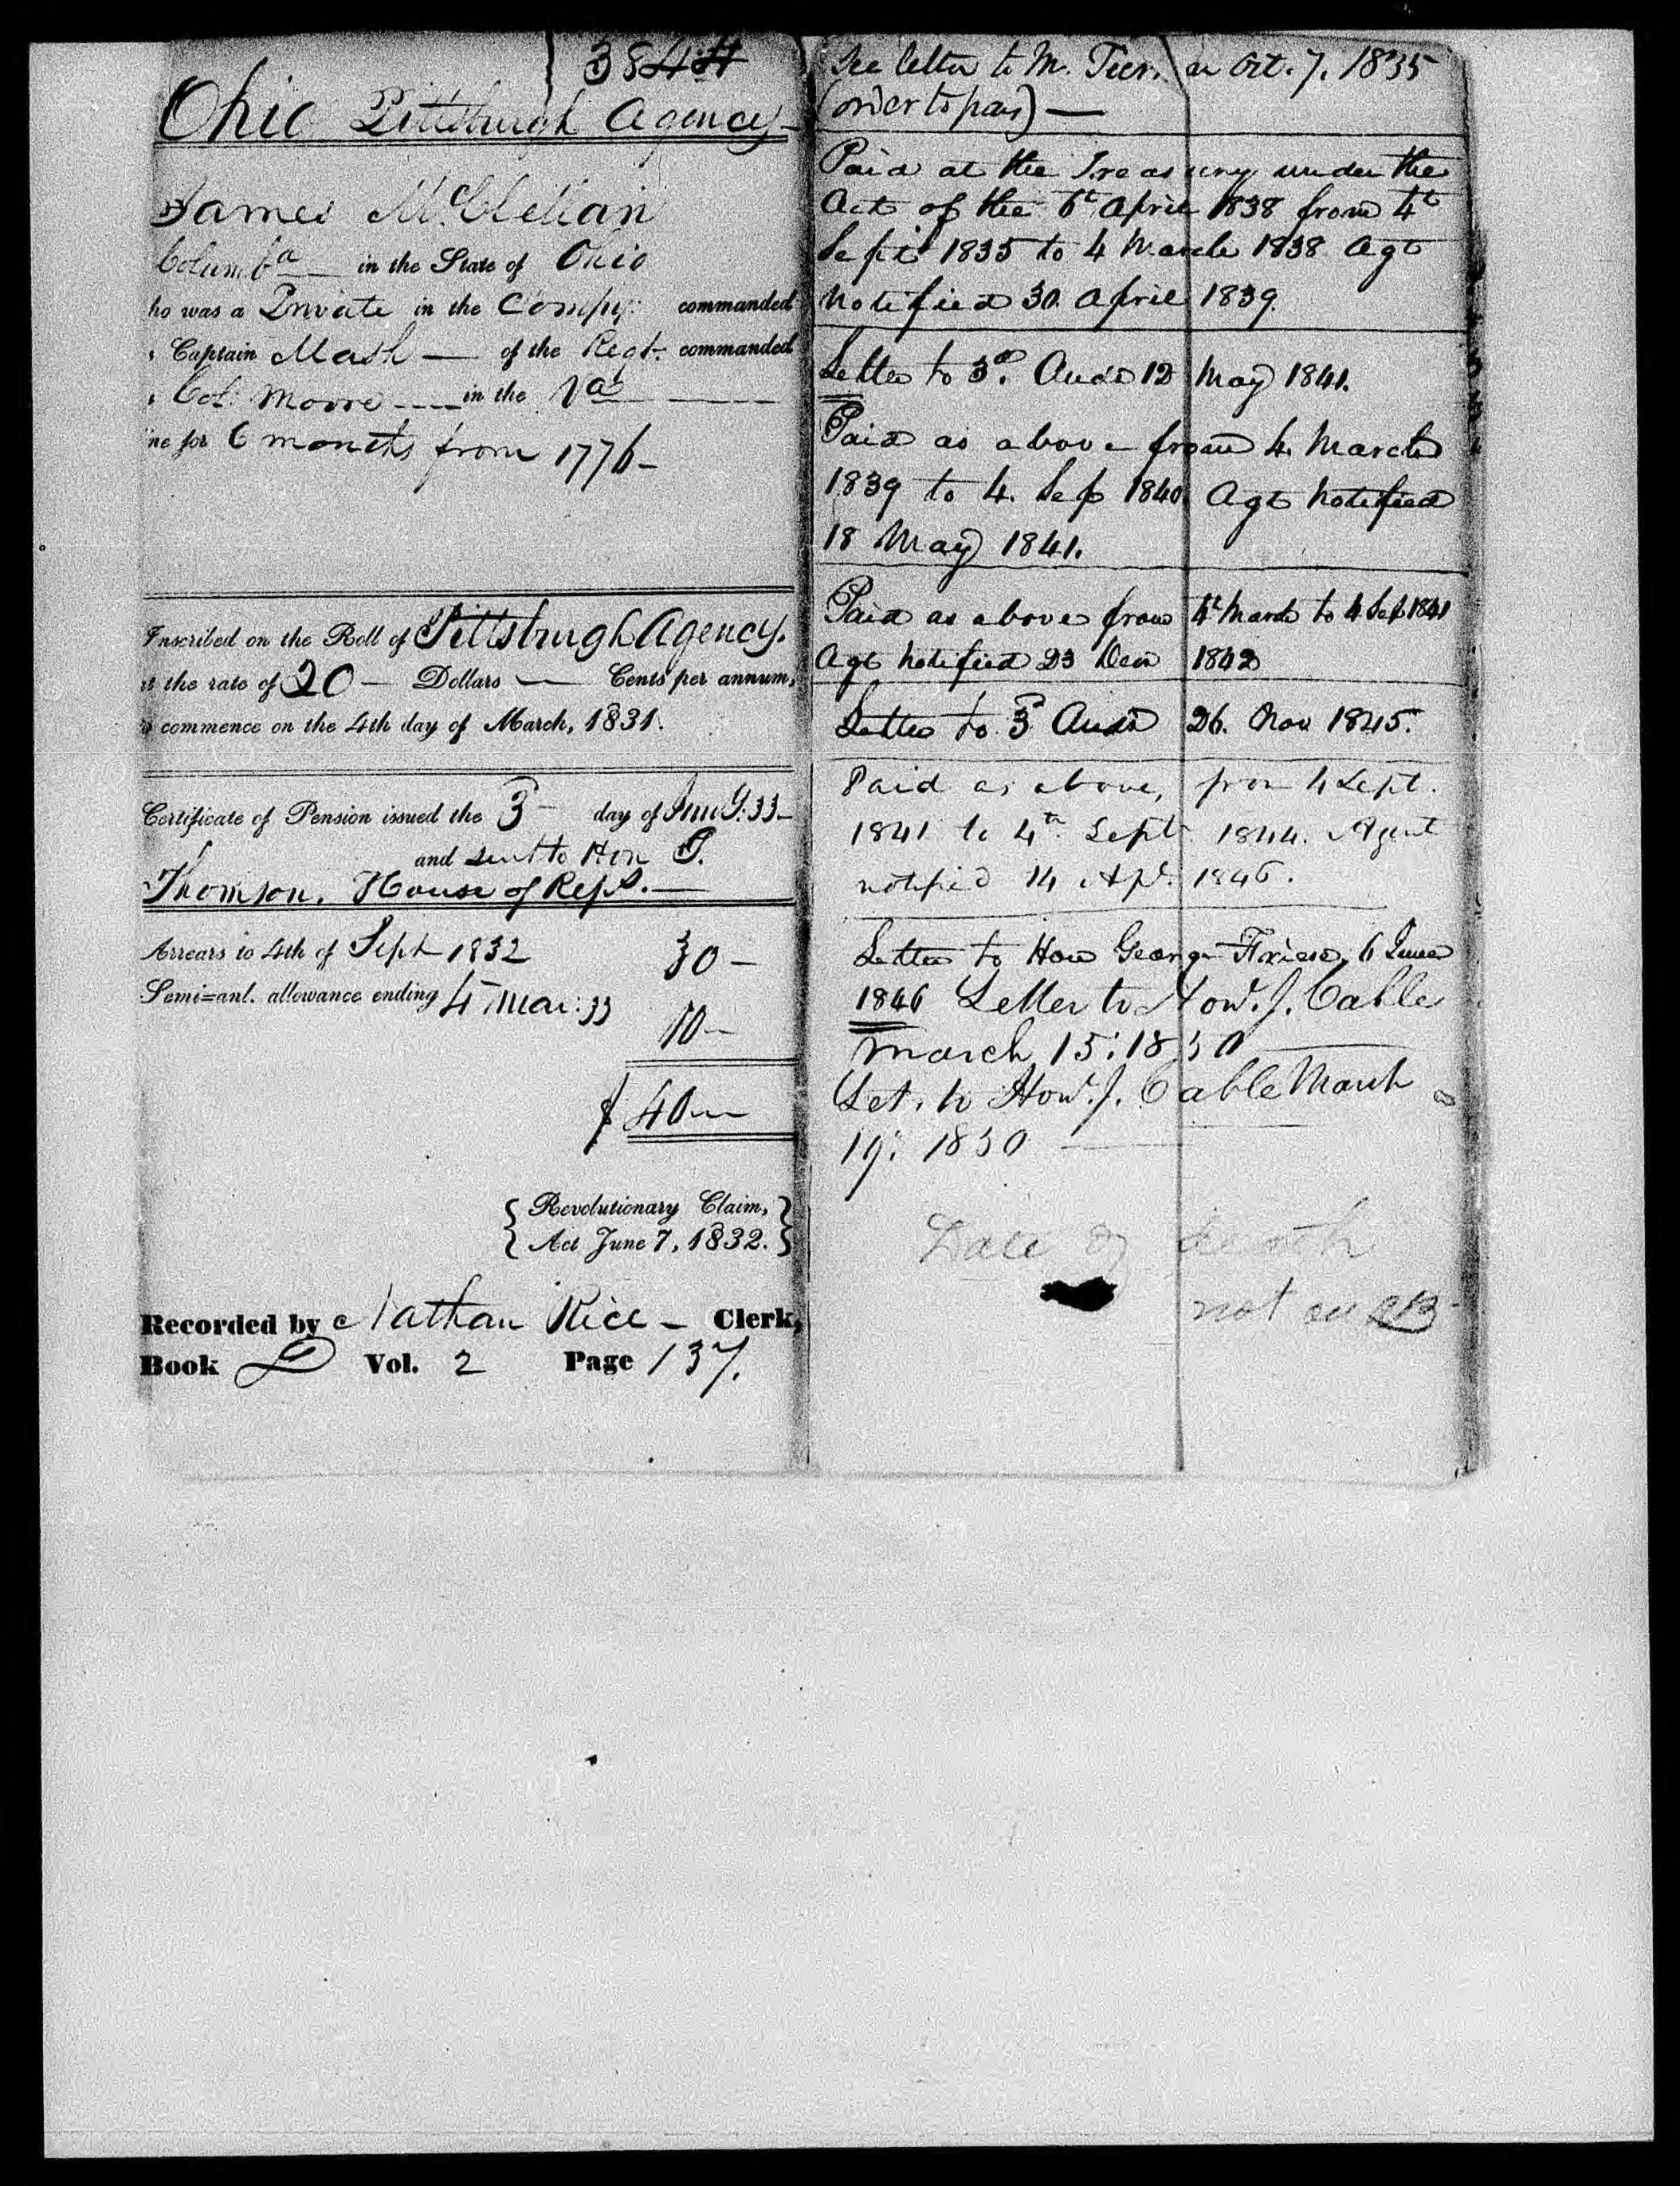3844

Ohio - Pittsburgh Agency

James McClellan

Columbia in the state of Ohio who was  private in the company commanded by Captain Mash of the Regt commanded by Col Moor in the Va Line for 6 months from 1776
____
Inscribed on the Roll of Pittsburgh Agency at the rate of 20 Dollars per annum, to commence on the 4th day of march, 1831
____
Certificate of Pension issued the 3rd day of Jan'y 1833 and sent to Hon Thomson, House of Reps
____
Arrears to 4th of Sept 1832 - $30
Semiannl allowance ended 4 Mar 33 - $10

(Total) $40

Revolutionary Claim Act, June 7, 1832

Recorded by Nathan Rice, Clerk
Book , Vol 2, Page 137

****
See letter to M Tern on Oct 7 1835 (on to pay)
----
Paid at the Resaury under the Act of the 6th April 1838 from 4th Sept 1835 to 4 March 1838; agt notified 30 April 1839
---
Letter to [ ] 12 May 1841

Paid as above from 4 March 1839 to 4 Sept 1840; agt notified 18 May 1841
---
Paid as above from 4 March to 4 Sept 1841; agt notified 30 Dec 1842
---
Letter to Z Auth 26 Nov 1845
---
Paid as above from 4 Sept 1841 to 4 Sept 1844; agt notified 14 Sept 1846
---
Letter to Hon George Friend 6 June 1846
Letter to Hon J Cable March 15, 1850
Let to Hon J Cable March 19, 1850
----
Date of death not on file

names: J Thomson; James Mc Clellan; [BLANK] Moore; J Cable; M Teer; [BLANK] Mash; George Friese; Nathan Rice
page: 2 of 16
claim: survivor's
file: S. 2764, for James Mc Clellan, Pennsylvania